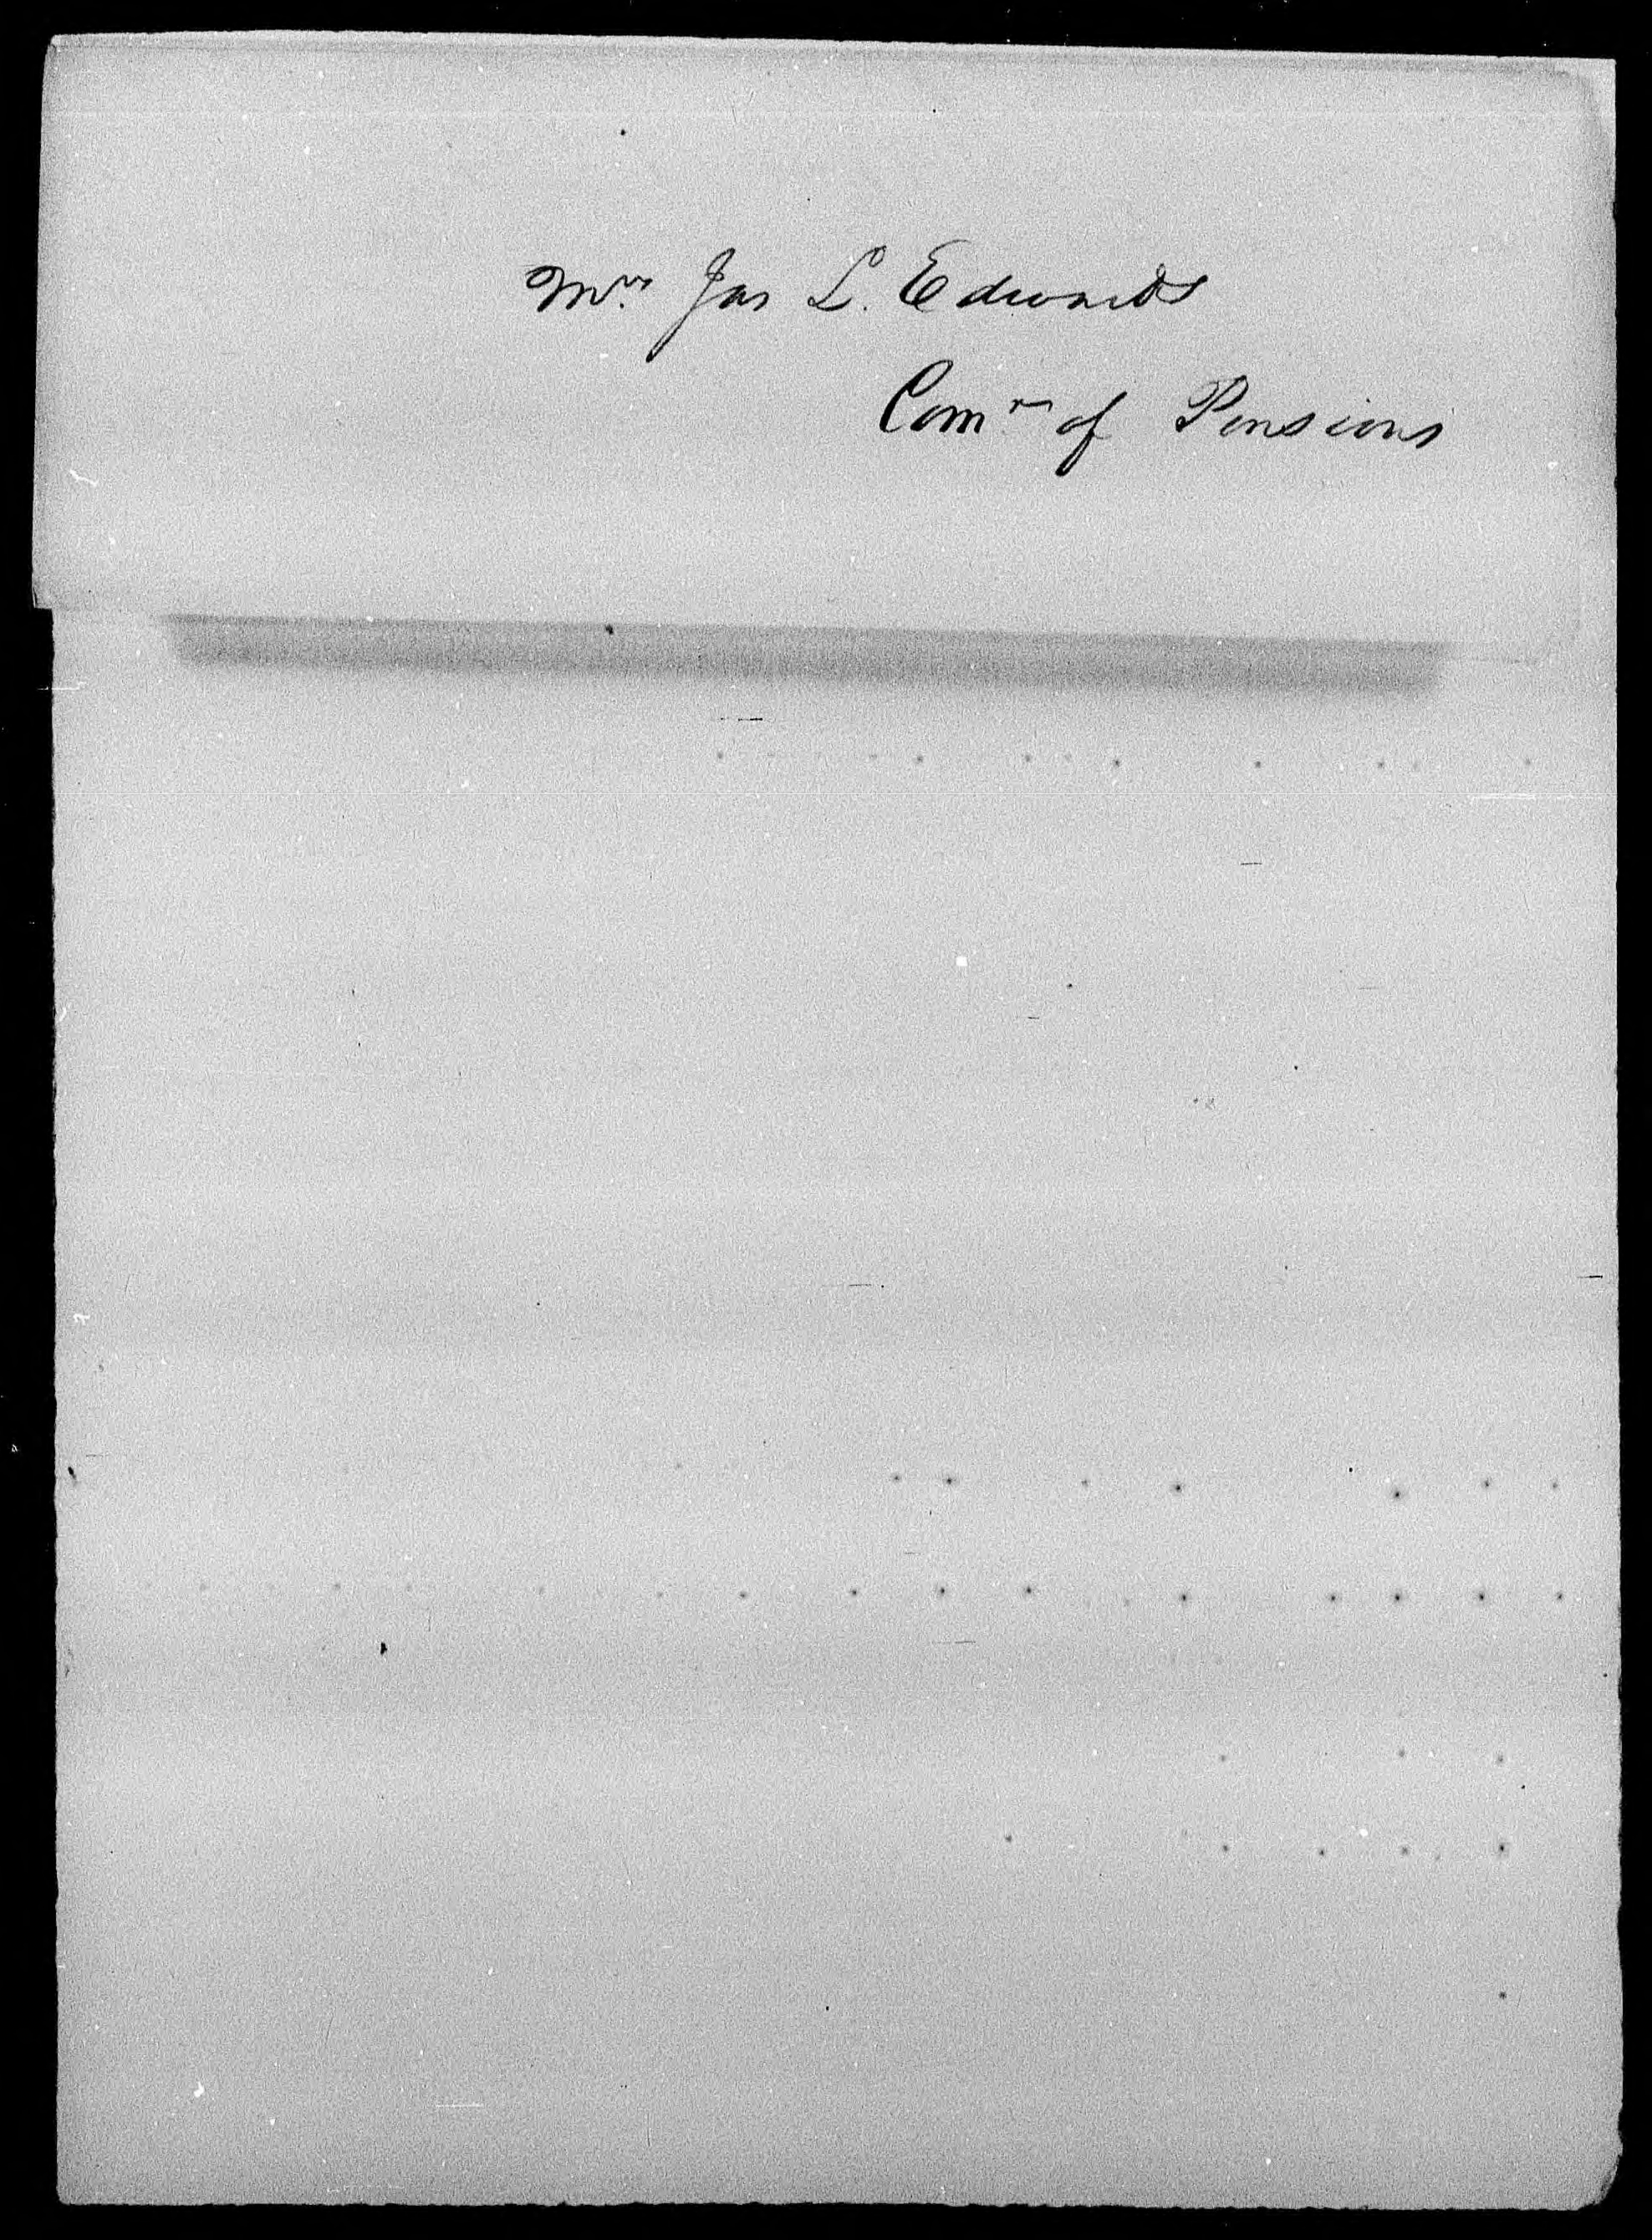Mr Jas L. Edwards
Comr [Commissioner] of Pensions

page: 14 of 19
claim: rejected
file: R. 5442, for Samuel Hutchison, Virginia